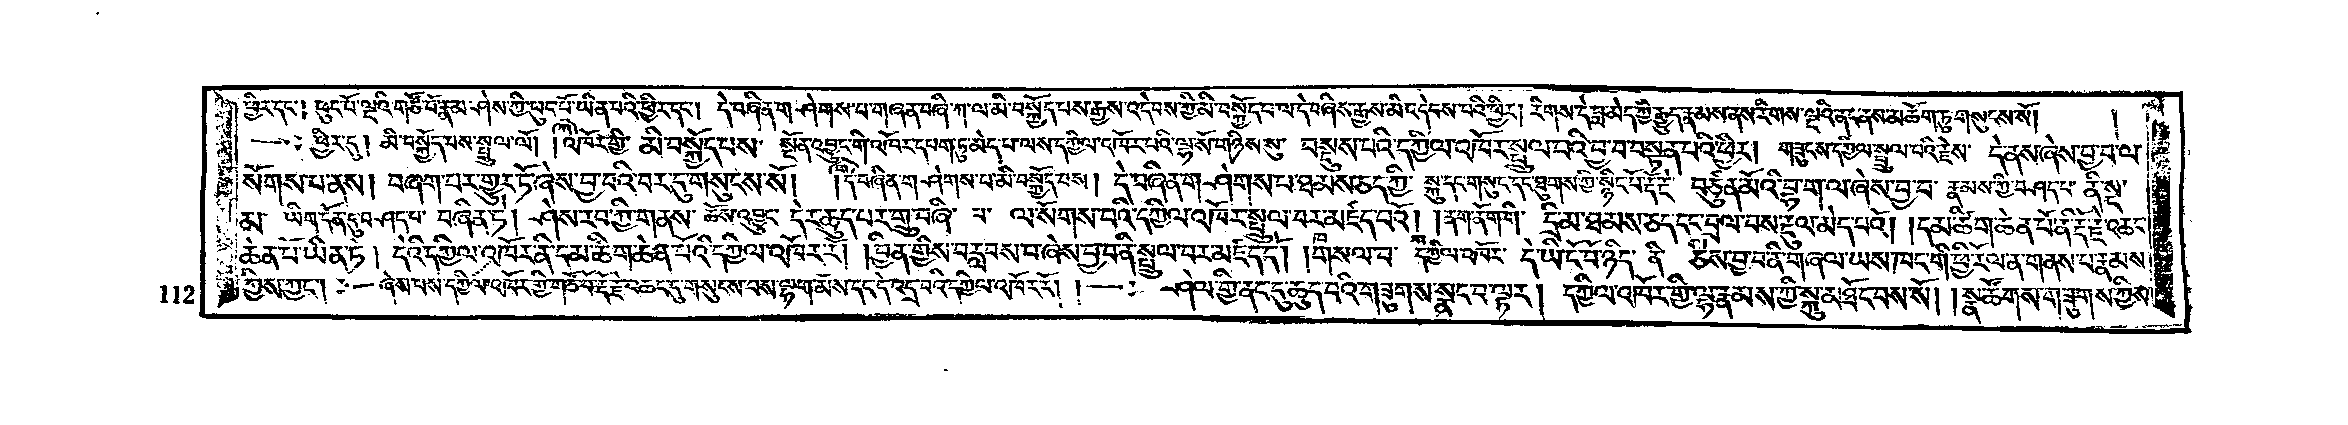ཕྱིར་དང་། ཕུང་པོ་ལྔའི་གཙོ་བོ་རྣམ་ཤེས་ཀྱི་ཕུང་པོ་ཡིན་པའི་ཕྱིར་དང་། དེ་བཞིན་གཤེགས་པ་གཞན་བཞི་ཀ་ལ་མི་བསྐྱོད་པས་རྒྱས་འདེབས་ཀྱི་མི་བསྐྱོད་པ་ལ་དེ་བཞིས་རྒྱས་མི་འདེབས་པའི་ཕྱིར། རིགས་དེ་བླ་མེད་ཀྱི་རྒྱུད་རྣམས་ནས་རིགས་ལྔའི་ནང་ནས་མཆོག་ཏུ་གསུངས་སོ། །
.H ཕྱིར་དུ། མི་བསྐྱོད་པས་སྤྲུལ་ལོ། །?ཀ྄་འཁོར་གྱི་མི་བསྐྱོད་པས་སྔོན་འབྱུང་གི་འཁོར་དཔག་ཏུ་མེད་པ་ལས་དཀྱིལ་འཁོར་བའི་ལྷ་སོ་གཉིས་སུ་བསྡུས་པའི་དཀྱིལ་འཁོར་སྤྲུལ་པའི་བྱ་བ་བསྟན་པའི་ཕྱིར། གཟུངས་དཀྱིལ་སྤྲུལ་པའི་རྗེས་དེ་ནས་ཞེས་བྱ་བ་ལ་
སོགས་པ་ནས། བཞག་པར་གྱུར་ཏོ་ཞེས་བྱ་བའི་བར་དུ་གསུངས་སོ། ། ?ག྄་དེ་བཞིན་གཤེགས་པ་མི་བསྐྱོད་པས།  དེ་བཞིན་གཤེགས་པ་ཐམས་ཅད་ཀྱི་སྐུ་དང་གསུང་དང་ཐུགས་ཀྱི་སྙིང་པོ་རྡོ་རྗེ་བཙུན་མོའི་བྷ་ག་ལ་ཞེས་བྱ་བ་རྣམས་ཀྱི་བཤད་པ་ནི་སྔ་
མ་ཡིག་དོན་དུ་བཤད་པ་བཞིན་ཏེ། ཤེས་རབ་ཀྱི་གནས་ཆོས་འབྱུང་དེར་ཆུད་པར་གྲུ་བཞི་པ་ལ་སོགས་པའི་དཀྱིལ་འཁོར་སྤྲུལ་བར་མཛད་པའོ། ། ནག་ནོག་གི་དྲི་མ་ཐམས་ཅད་དང་བྲལ་བས་རྡུལ་མེད་པའོ། །དམ་ཚིག་ཆེན་པོ་ནི་རྡོ་རྗེ་འཆང་
ཆེན་པོ་ཡིན་ཏེ། དེའི་དཀྱིལ་འཁོར་ནི་དམ་ཚིག་ཆེན་པོའི་དཀྱིལ་འཁོར་རོ། །བྱིན་གྱིས་བརླབས་པ་ཞེས་བྱ་བ་ནི་སྤྲུལ་བར་མཛད་ཀྡོ། ། ཁ་གསལ་བ་ཀ་དཀྱིལ་འཁོར་དེ་ཡི་ངོ་བོ་ཉིད་ནི་ག་ཅེས་བྱ་བ་ནི་གཞལ་ཡས་ཁང་གི་ཕྱི་རོལ་ན་གནས་པ་རྣམས་
ཀྱིས་ཀྱང་།H.་ཞེས་པས་དཀྱིལ་འཁོར་གྱི་གཙོ་བོ་རྡོ་རྗེ་འཆང་དུ་གསུངས་པས་ལྷག་མོས་དང་དེ་འདྲ་བའི་དཀྱིལ་འཁོར་རོ། །  .Hཤེལ་གྱི་ནང་དུ་ཆུད་པའི་གཟུགས་སྣང་བ་ལྟར། དཀྱིལ་འཁོར་གྱི་ལྷ་རྣམས་ཀྱི་སྐུ་མཐོང་བས་སོ། །སྣ་ཚོགས་གཟུགས་ཀྱིས་